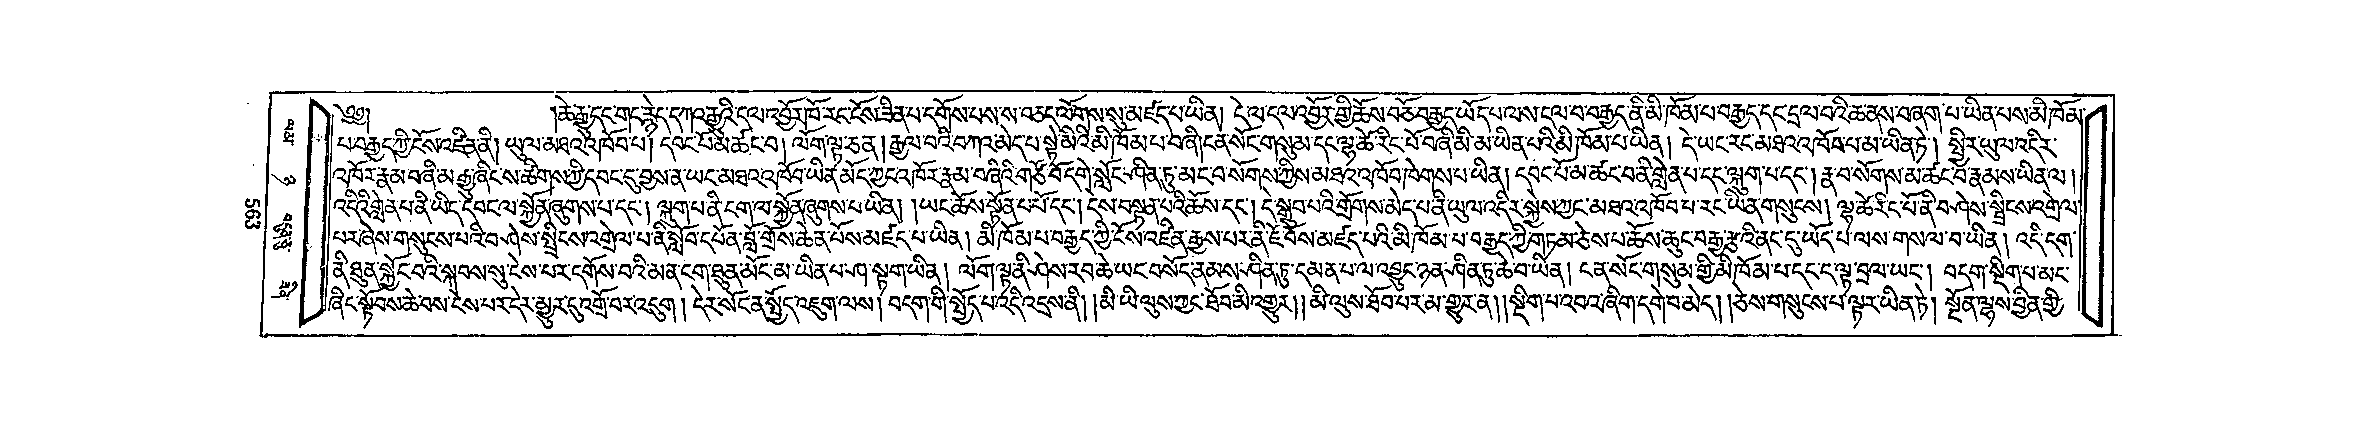༄༅། །ཆེ་རྒྱུ་དང་གང་རྙེད་དཀའ་རྒྱུའི་དལ་འབྱོར་ཁོ་རང་ངོས་ཟིན་པ་དགོས་པས་ས་བཅད་ལོགས་སུ་མཛད་པ་ཡིན། དེ་ལ་དལ་འབྱོར་གྱི་ཆོས་བཅོ་བརྒྱད་ཡོད་པ་ལས་དལ་བ་བརྒྱད་ནི་མི་ཁོམ་པ་བརྒྱད་དང་དྲལ་བའི་ཆ་ནས་བཞག་པ་ཡིན་པས་མི་ཁོམ་
པ་བརྒྱད་ཀྱི་ངོས་འཛིན་ནི། ཡུལ་མཐའ་འཁོབ་པ། དབང་པོ་མ་ཚང་བ། ལོག་ལྟ་ཅན། རྒྱལ་བའི་བཀའ་མེད་པ་སྟེ་མིའི་མི་ཁོམ་པ་བཞི། ངན་སོང་གསུམ་དང་ལྷ་ཚེ་རིང་པོ་བཞི་མི་མ་ཡིན་པའི་མི་ཁོམ་པ་ཡིན། དེ་ཡང་རང་མཐའ་འཁོབ་པ་མ་ཡིན་ཏེ། སྤྱིར་ཡུལ་འདིར་
འཁོར་རྣམ་བཞི་མ་རྒྱུ་ཞིང་ས་ཚིགས་ཀྱི་དབང་དུ་བྱས་ན་ཡང་མཐའ་འཁོབ་ཡིན་མོད་ཀྱང་འཁོར་རྣམ་བཞིའི་གཙོ་བོ་དགེ་སློང་ཤིན་ཏུ་མང་བ་སོགས་ཀྱིས་མཐའ་འཁོབ་ཁེགས་པ་ཡིན། དབང་པོ་མ་ཚང་བ་ནི་གླེན་པ་དང་ལྐུག་པ་དང་། རྣ་བ་སོགས་མ་ཚང་བ་རྣམས་ཡིན་ལ།
འདིའི་གླེན་པ་ནི་ཡིད་དབང་ལ་སྐྱོན་ཞུགས་པ་དང་། ལྐུག་པ་ནི་ངག་ལ་སྐྱོན་ཞུགས་པ་ཡིན། །ཡང་ཆོས་སྟོན་པ་པོ་དང་། དེས་བསྟན་པའི་ཆོས་དང་། དེ་སྒྲུབ་པའི་གྲོགས་མེད་པ་ནི་ཡུལ་འདིར་སྐྱེས་ཀྱང་མཐའ་འཁོབ་པ་རང་ཡིན་གསུངས། ལྷ་ཚེ་རིང་པོ་ནི་བཤེས་སྦྲིངས་འགྲེལ་
པར་ཞེས་གསུངས་པའི་བཤེས་སྤྲིངས་འགྲེལ་པ་ནི་སློབ་དཔོན་བློ་གྲོས་ཆེན་པོས་མཛད་པ་ཡིན། མི་ཁོམ་པ་བརྒྱད་ཀྱི་ངོས་འཛིན་རྒྱས་པར་ནི་ཇོ་བོས་མཛད་པའི་མི་ཁོམ་པ་བརྒྱད་ཀྱི་གཏམ་ཅེས་པ་ཆོས་ཆུང་བརྒྱ་རྩའི་ནང་དུ་ཡོད་པ་ལས་གསལ་བ་ཡིན། འདི་དག་
ནི་ཐུན་སྐྱོང་བའི་སྐབས་སུ་ངེས་པར་དགོས་བའི་མན་ངག་ཐུན་མོང་མ་ཡིན་པ་ཤ་སྟག་ཡིན། ལོག་ལྟ་ནི་ཤེས་རབ་ཆེ་ཡང་བསོད་ནམས་ཤིན་ཏུ་དམན་པ་ལ་འབྱུང་ཉན་ཤིན་ཏུ་ཆེ་བ་ཡིན། ངན་སོང་གསུམ་གྱི་མི་ཁོམ་པ་དང་ད་ལྟ་བྲལ་ཡང་། བདག་སྡིག་པ་མང་
ཞིང་སྟོབས་ཆེ་བས་ངེས་པར་དེར་མྱུར་དུ་འགྲོ་བར་འདུག །དེར་སོང་ན་སྤྱོད་འཇུག་ལས། བདག་གི་སྤྱོད་པ་འདི་འདྲས་ནི། །མི་ཡི་ལུས་ཀྱང་ཐོབ་མི་འགྱུར། །མི་ལུས་ཐོབ་པར་མ་གྱུར་ན། །སྡིག་པ་འབའ་ཞིག་དགེ་བ་མེད། །ཅེས་གསུངས་པ་ལྟར་ཡིན་ཏེ། སྔོན་ལྷས་བྱིན་གྱི་